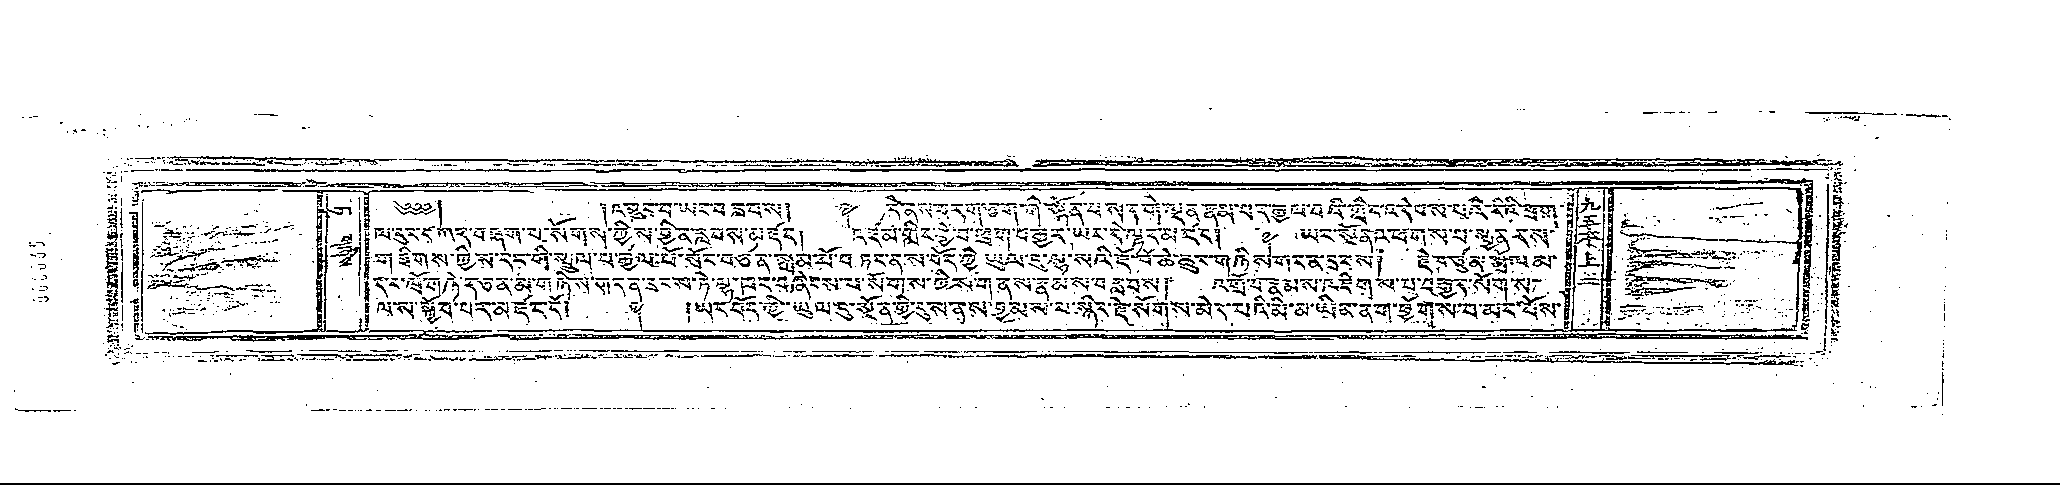༄༅༅། །འབྱུང་བ་ཡང་བརླབས། ~་དེ་ནས་བདག་ཅག་གི་སྟོན་པས་དགེ་ལྡན་རྣམ་པར་རྒྱལ་བའི་གླིང་འདེབས་པའི་རིའི་བྲག་
ལ་དུང་དཀར་བཞག་པ་སོགས་ཀྱིས་བྱིན་རླབས་མཛད། འཛམ་གླིང་བྱེ་བ་ཕྲག་བརྒྱད་ཡང་དེ་ལྟར་མཛད། ༈ ཡང་སྔོན་འཕགས་པ་སྤྱན་རས་
གཟིགས་ཀྱིས་རང་གི་སྤྲུལ་པ་རྒྱལ་པོ་སྲོང་བཙན་སྒམ་པོ་བཏང་ནས་བོད་ཀྱི་ཡུལ་དུ་ལྷ་སའི་ཇོ་བོ་ཆེ་ཆུང་གཉིས་གདན་དྲངས། རྗེ་བཙུན་སྒྲོལ་མ་
དང་ཁྲོ་གཉེར་ཅན་མ་གཉིས་གདན་དྲངས་ཏེ་ལྷ་ཁང་བཞེངས་པ་སོགས་ཀྱིས་གནས་རྣམས་བརླབས། འགྲོ་བ་རྣམས་འཇིགས་པ་བརྒྱད་སོགས་
ལས་སྐྱོབ་པར་མཛད་དོ། ~་།ཡང་བོད་གྱི་ཡུལ་དུ་སྔོན་གྱི་དུས་ནས་བྱམས་པ་སྙིང་རྗེ་སོགས་མེད་པའི་མི་མ་ཡིན་ནག་ཕྱོགས་པ་མང་པོས་